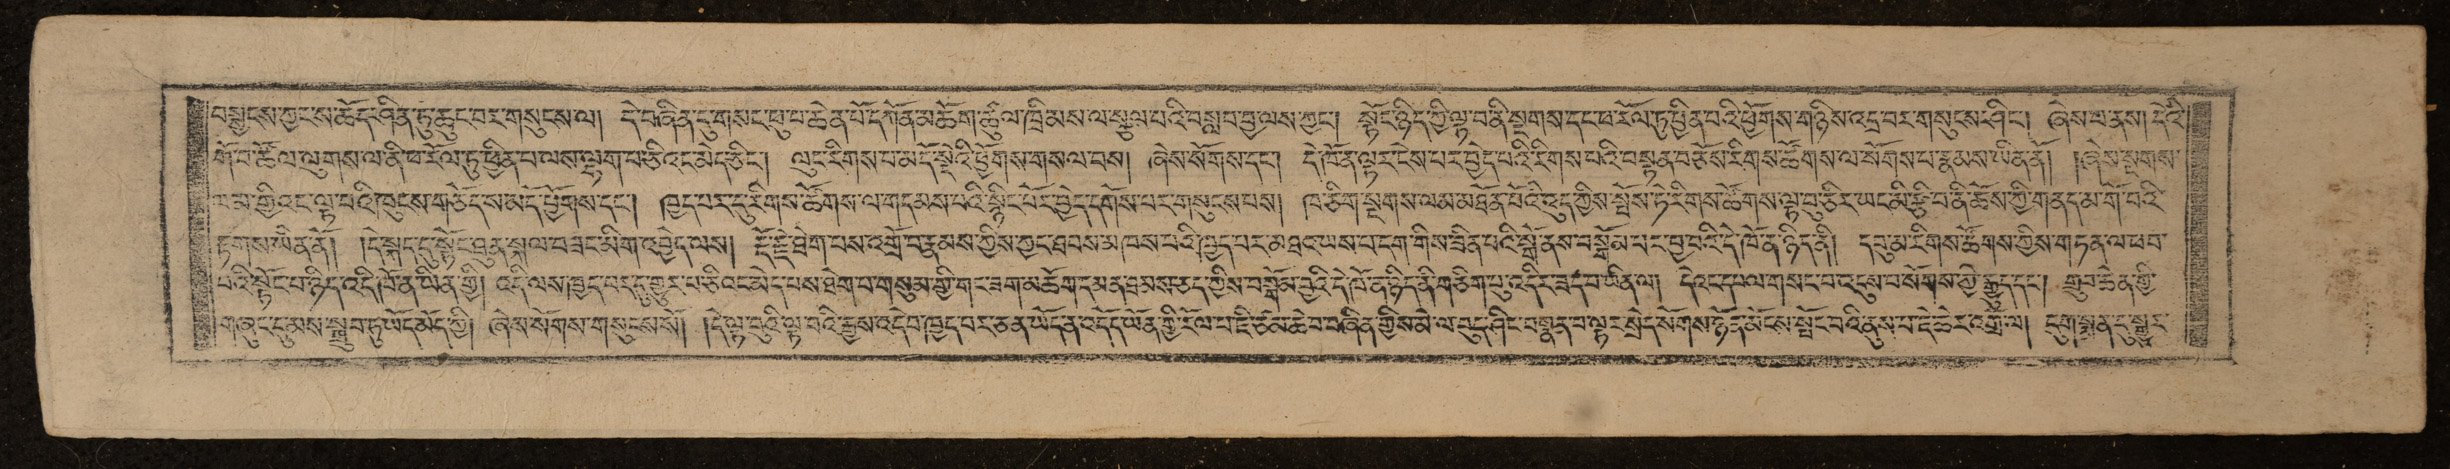བསྐྱབས་ཀྱང་ས་ཆོད་ཤིན་ཏུ་ཆུང་བར་གསུངས་ལ། དེ་བཞིན་དུ་གསང་ཕུ་བ་ཆེན་པོ་དཀོན་མཆོག་ཚུལ་ཁྲིམས་ལ་སྩལ་བའི་བསླབ་བྱ་ལས་ཀྱང་། སྟོང་ཉིད་ཀྱི་ལྟ་བ་ནི་སྔགས་དང་ཕ་རོལ་ཏུ་ཕྱིན་པའི་ཕྱོགས་གཉིས་འདྲ་བར་གསུངས་ཤིང་། ཞེས་པ་ནས། དེའི་
གོ་བ་ཚོལ་ལུགས་ལ་ནི་ཕ་རོལ་ཏུ་ཕྱིན་པ་ལས་ལྷག་པ་ཅིའང་མེད་ཅིང་། ལུང་རིགས་པ་མདོ་སྡེའི་ཕྱོགས་གསལ་བས། ཞེས་སོགས་དང་། དེ་ཁོ་ན་ལྟར་ངེས་པར་བྱེད་པའི་རིགས་པའི་བསྟན་བཅོས་རིགས་ཚོགས་ལ་སོགས་པ་རྣམས་ཡིན་ནོ། །ཞེས་སྔགས་
ལམ་གྱིའང་ལྟ་བའི་ཁུངས་གཅོད་ས་མདོ་ཕྱོགས་དང་། ཁྱད་པར་དུ་རིགས་ཚོགས་ལ་གདམས་པའི་སྙིང་པོར་བྱེད་དགོས་པར་གསུངས་པས། ཁ་ཅིག་སྔགས་ལམ་མཐོན་པོའི་འུད་ཀྱིས་སྦོས་ཏེ་རིགས་ཚོགས་ལྟ་བུ་ཅིང་ཡང་མི་རྩི་བ་ནི་ཆོས་ཀྱི་གནད་མགོ་བའི་
རྟགས་ཡིན་ནོ། །དེ་སྐད་དུ་སྟོང་ཐུན་སྐལ་བཟང་མིག་འབྱེད་ལས། རྡོ་རྗེ་ཐེག་པས་འགྲོ་བ་རྣམས་ཀྱིས་ཀྱང་ཐབས་མཁས་པའི་ཁྱད་པར་མཐའ་ཡས་པ་དག་གིས་ཟིན་པའི་སྒོ་ནས་བསྒོམ་པར་བྱ་བའི་དེ་ཁོ་ན་ཉིད་ནི། དབུ་མ་རིགས་ཚོགས་ཀྱིས་གཏན་ལ་ཕབ་
པའི་སྟོང་པ་ཉིད་འདི་ཁོ་ན་ཡིན་གྱི། འདི་ལས་ཁྱད་པར་དུ་གྱུར་པ་ཅིའང་མེད་པར་ཐེག་པ་གསུམ་གྱི་གང་ཟག་མཆོག་དམན་ཐམས་ཅད་ཀྱིས་བསྒོམ་བྱའི་དེ་ཁོ་ན་ཉིད་ནི་གཅིག་པུ་འདིར་ཟད་པ་ཡིན་ལ། དེའང་དཔལ་གསང་བ་འདུས་པ་སོགས་ཀྱི་རྒྱུད་དང་། གྲུབ་ཆེན་གྱི་
གཞུང་དུ་མས་སྒྲུབ་ཏུ་ཡོད་མོད་ཀྱི། ཞེས་སོགས་གསུངས་སོ། །དེ་ལྟ་བུའི་ལྟ་བའི་རྒྱས་འདེབ་ཁྱད་པར་ཅན་ཡོད་ན་འདོད་མོན་གྱི་རོལ་པ་ཇི་ཙམ་ཆེ་བ་བཞིན་གྱིས་མེ་ལ་བུད་ཤིང་བསྣན་པ་ལྟར་སྲེད་སོགས་ཉོན་མོངས་སྤོང་བའི་ནུས་པ་ཇེ་ཆེར་འགྲོ་ལ། དུག་སྨན་དུ་སྒྱུ་རེ་